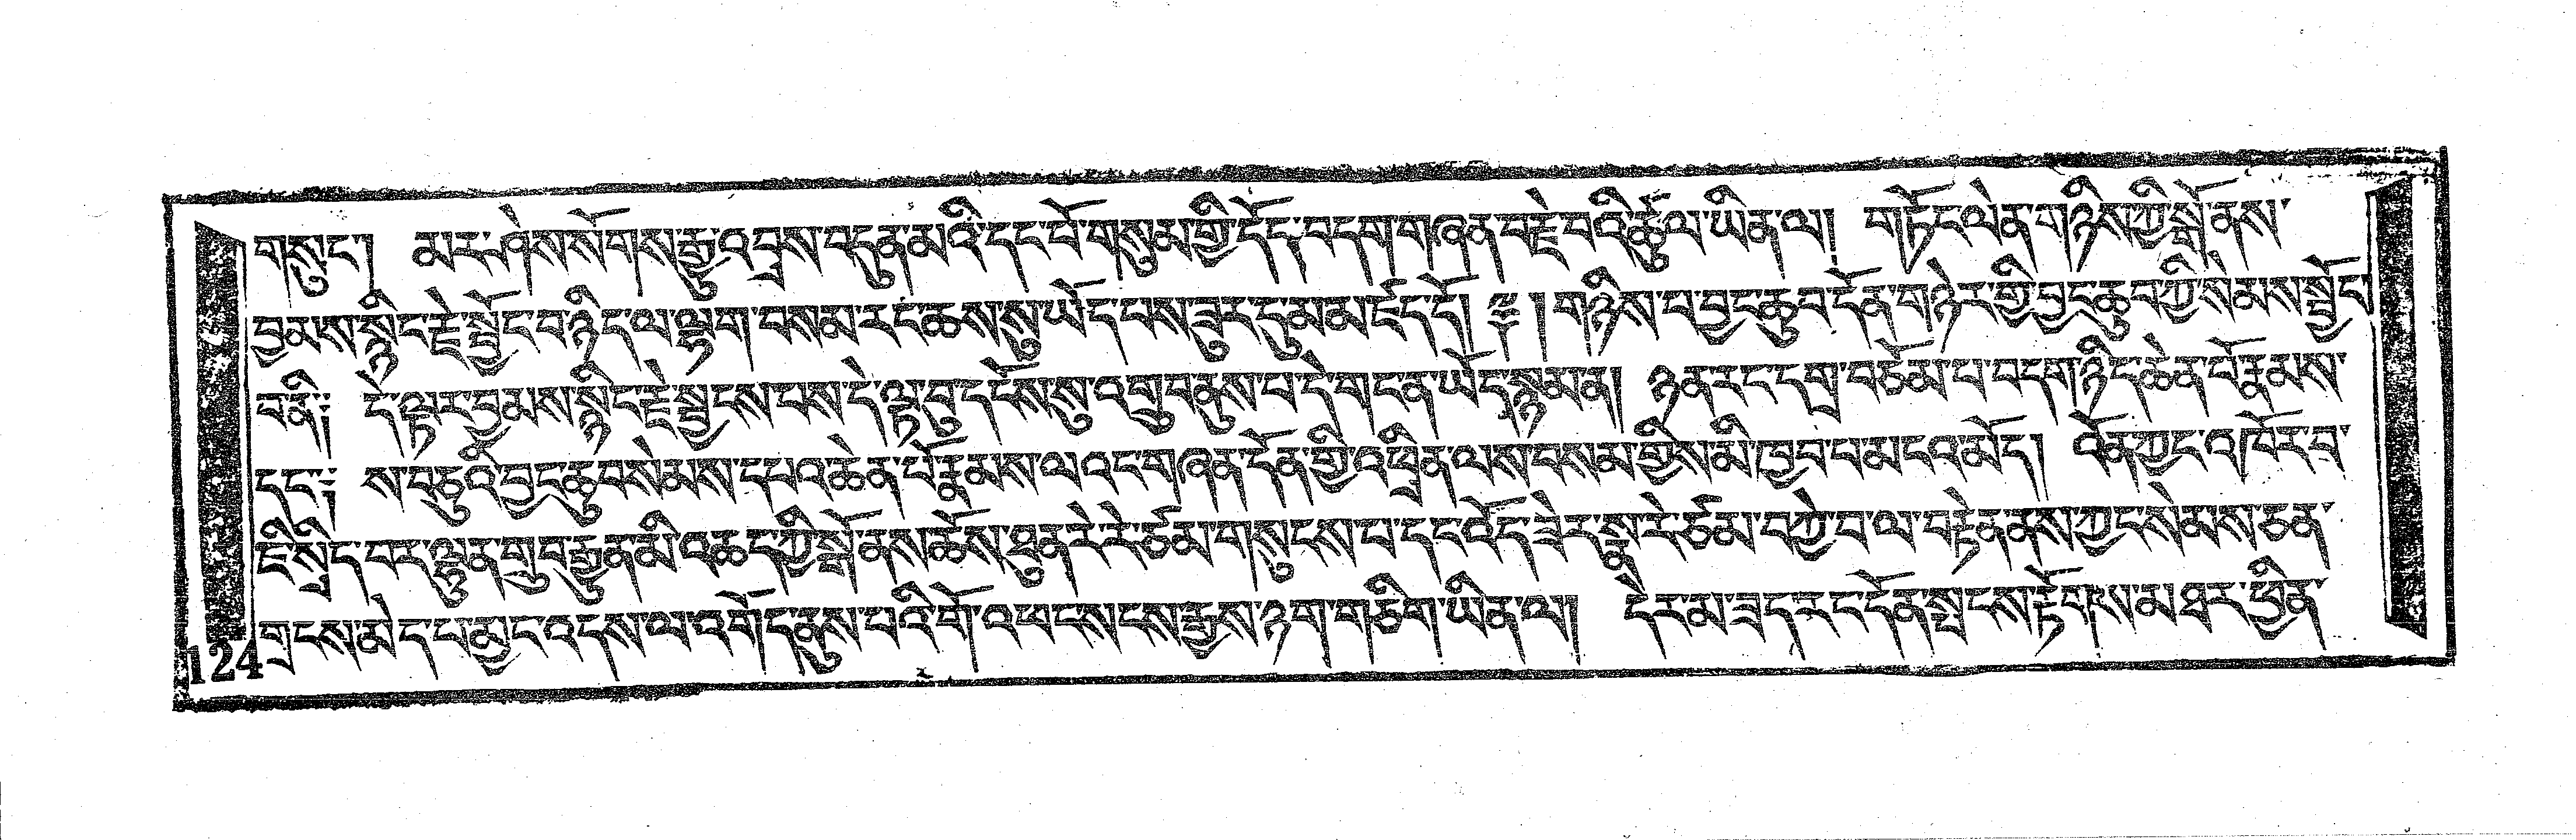གསུང་། མར་ཤེས་སོགས་རྒྱུ་འབྲས་བདུན་མའི་དང་པོ་གསུམ་གྱི་དོད་བདག་གཞན་བརྗེ་བའི་ཚུལ་ཡིན་ལ། གཏོང་ལེན་གཉིས་ཀྱི་སྒོ་ནས་
བྱམས་སྙིང་རྗེ་སྦྱོང་བ་ཉིད་ལ་ལྷག་བསམ་རང་ཆས་སུ་ཡོད་པས་ཟུར་དུ་མ་མཛད་དོ། ༈ །གཉིས་པ་བྱང་ཆུབ་དོན་གཉེར་གྱི་བྱང་ཆུབ་ཀྱི་སེམས་སྦྱོང་
བ་ནི༑ དེ་ལྟར་བྱམས་སྙིང་རྗེ་སྦྱངས་པས་དེ་ལྟ་བུ་དངོས་སུ་འགྲུབ་ནུས་པ་དེ་གང་ན་ཡོད་སྙམ་ན། ཉན་རང་དགྲ་བཅོམ་པ་བདག་ཉིད་ཆེན་པོ་རྣམས་
དང༑ ས་བཅུའི་བྱང་ཆུབ་སེམས་དཔའ་ཆེན་པོ་རྣམས་ལའང་གཞན་དོན་གྱི་འཕྲིན་ལས་བསམ་གྱིས་མི་ཁྱབ་པ་མངའ་མོད། འོན་ཀྱང་འཁོར་བ་
ཇི་སྲིད་བར་ལྷུན་གྲུབ་རྒྱུན་མི་འཆད་ཀྱི་སྒོ་ནས་ཆོས་ཐུན་རེ་རེ་ཙམ་གསུངས་པ་དང་འོད་ཟེར་སྣ་རེ་ཙམ་བཀྱེ་བ་ལ་བརྟེན་ནས་ཀྱང་སེམས་ཅན་
གྲངས་མེད་པ་མྱང་འདས་ལ་འགོད་ནུས་པའི་གོ་འཕང་སངས་རྒྱས་ཉག་གཅིག་ཡིན་ལ། དེར་མ་ཟད་རང་དོན་སྤངས་རྟོགས་མཐར་ཕྱིན་